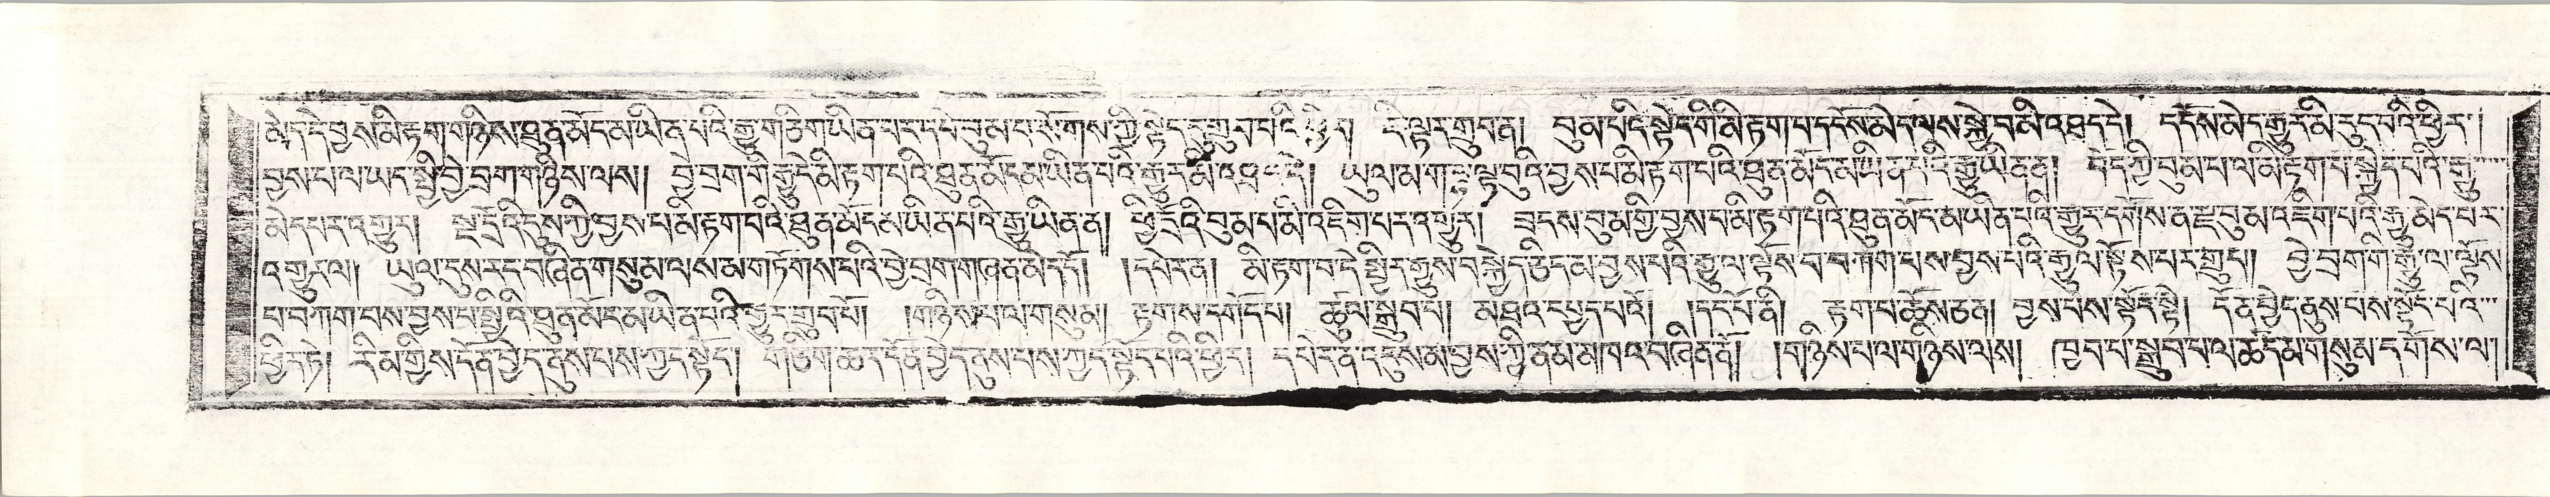མེད་དེ་བྱས་མི་རྟག་གཉིས་ཐུན་མོང་མ་ཡིན་པའི་རྒྱུ་གཅིག་ཡིན་པར་དཔེ་བུམ་པ་སོགས་ཀྱི་སྟེང་དུ་གྲུབ་པའི་ཕྱིར། ཇི་ལྟར་གྲུབ་ན། བུམ་པའི་སྟེང་གི་མི་རྟག་པ་དངོས་མེད་ལས་སྐྱེ་བ་མི་འཐད་དེ། དངོས་མེད་རྒྱུར་མི་རུང་བའི་ཕྱིར།
བྱས་པ་ལ་ཡང་སྤྱི་བྱེ་བྲག་གཉིས་ལས། བྱེ་བྲག་གི་རྒྱུ་དེ་མི་རྟག་པའི་ཐུན་མོང་མ་ཡིན་པའི་རྒྱུར་མི་འཐད་དེ། ཡུལ་མ་ག་དྷ་ལྟ་བུའི་བྱས་པ་མི་རྟག་པའི་ཐུན་མོང་མ་ཡིན་པའི་རྒྱུ་ཡིན་ན། བོད་ཀྱི་བུམ་པ་ལ་མི་རྟག་པ་སྐྱེད་པའི་རྒྱུ་
མེད་པར་འགྱུར། སྔ་དྲོའི་དུས་ཀྱི་བྱས་པ་མི་རྟག་པའི་ཐུན་མོང་མ་ཡིན་པའི་རྒྱུ་ཡིན་ན། ཕྱི་དྲོའི་བུམ་པ་མི་འཇིག་པར་འགྱུར། ཟངས་བུམ་གྱི་བྱས་པ་མི་རྟག་པའི་ཐུན་མོང་མ་ཡིན་པའི་རྒྱུར་དགོས་ན་རྫ་བུམ་འཇིག་པའི་རྒྱུ་མེད་པར་
འགྱུར་ལ། ཡུལ་དུས་རང་བཞིན་གསུམ་ལས་མ་གཏོགས་པའི་བྱེ་བྲག་གཞན་མེད་དོ། །དཔེར་ན། མི་རྟག་པ་དེ་སྤྱིར་རྒྱུས་བསྐྱེད་ཅིང་མ་བྱས་པའི་རྒྱུ་ལ་ལྟོས་པ་བཀག་པས་བྱས་པའི་རྒྱུ་ལ་ལྟོས་པར་གྲུབ། བྱེ་བྲག་གི་རྒྱུ་ལ་ལྟོས་
པ་བཀག་པས་བྱས་པ་སྤྱིའི་ཐུན་མོང་མ་ཡིན་པའི་རྒྱུར་གྲུབ་པོ། །གཉིས་པ་ལ་གསུམ། རྟགས་དགོད་པ། ཚུལ་སྒྲུབ་པ། མཐའ་དཔྱད་པའོ། །དང་པོ་ནི། རྟག་པ་ཆོས་ཅན། བྱས་པས་སྟོང་སྟེ། དོན་བྱེད་ནུས་པས་སྟོང་བའི་
ཕྱིར་ཏེ། རིམ་གྱིས་དོན་བྱེད་ནུས་པས་ཀྱང་སྟོང་། ཅིག་ཆར་དོན་བྱེད་ནུས་པས་ཀྱང་སྟོང་བའི་ཕྱིར། དཔེར་ན་འདུས་མ་བྱས་ཀྱི་ནམ་མཁའ་བཞིན་ནོ། །གཉིས་པ་ལ་གཉིས་ལས། ཁྱབ་པ་སྒྲུབ་པ་ལ་ཚད་མ་གསུམ་དགོས་ལ།